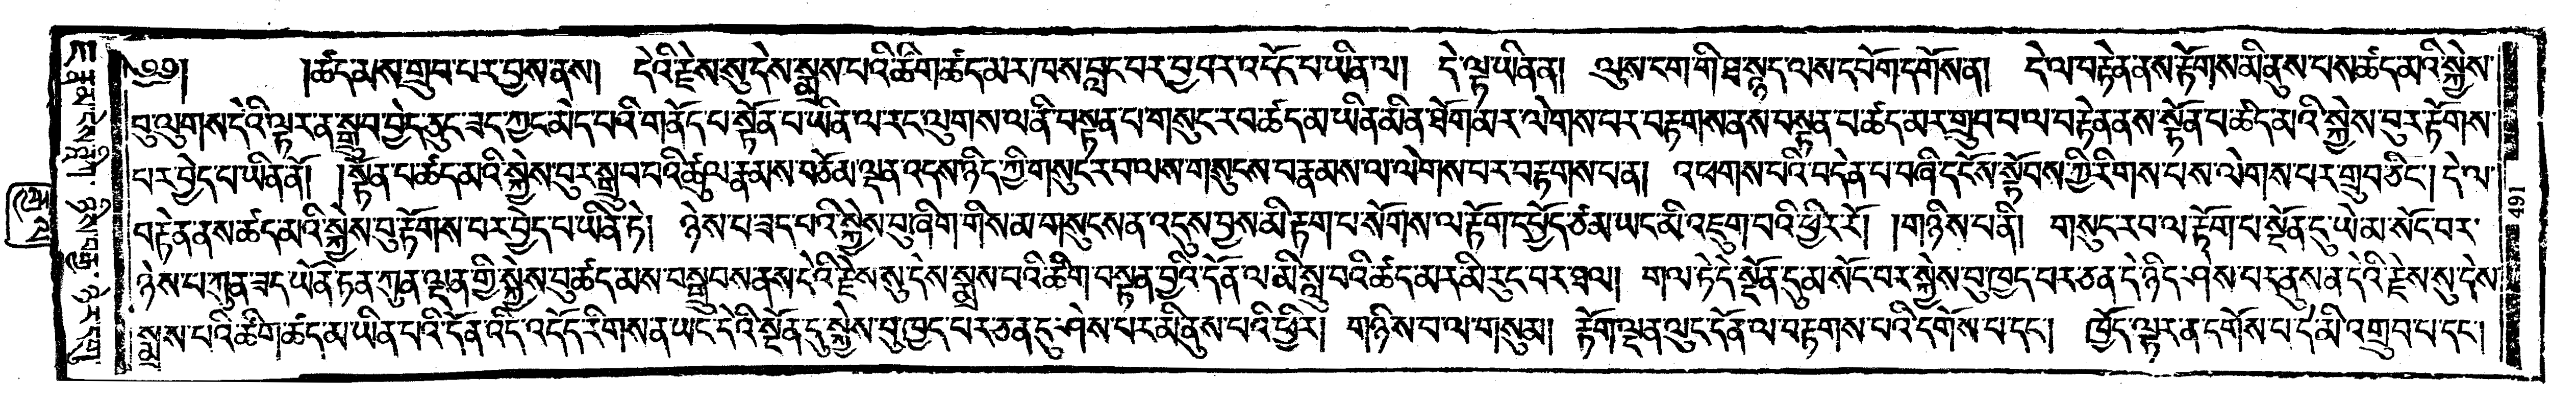༄༅། །ཚད་མས་གྲུབ་པར་བྱས་ནས། དེའི་རྗེས་སུ་དེས་སྨྲས་པའི་ཚིག་ཚད་མར་ཁས་བླང་པར་བྱ་བར་འདོད་པ་ཡིན་ལ། དེ་ལྟ་ཡིན་ན། ལུས་ངག་གི་ཐ་སྙད་ལས་དཔོག་དགོས་ན། དེ་ལ་བརྟེན་ནས་རྟོགས་མི་ནུས་པས་ཚད་མའི་སྐྱེས་
བུ་ལུགས་དེའི་ལྟར་ན་སྒྲུབ་བྱེད་ཅུང་ཟད་ཀྱང་མེད་པའི་གནོད་པ་སྟོན་པ་ཡིན་ལ་རང་ལུགས་ལ་ནི་བསྟན་པ་གསུང་རབ་ཚད་མ་ཡིན་མིན་ཐོག་མར་ལེགས་པར་བརྟགས་ནས་བསྟན་པ་ཚད་མར་གྲུབ་པ་ལ་བརྟེན་ནས་སྟོན་པ་ཚད་མའི་སྐྱེས་བུར་རྟོགས་
པར་བྱེད་པ་ཡིན་ནོ། །སྟོན་པ་ཚད་མའི་སྐྱེས་བུར་སྒྲུབ་པའི་ཚུལ་རྣམས་བཅོམ་ལྡན་འདས་ཉིད་ཀྱི་གསུང་རབ་ལས་གསུངས་པ་རྣམས་ལ་ལེགས་པར་བརྟགས་པ་ན། འཕགས་པའི་བདེན་པ་བཞི་དངོས་སྟོབས་ཀྱི་རིགས་པས་ལེགས་པར་གྲུབ་ཅིང་། དེ་ལ་
བརྟེན་ནས་ཚད་མའི་སྐྱེས་བུ་རྟོགས་པར་བྱེད་པ་ཡིན་ཏེ། ཉེས་པ་ཟད་པའི་སྐྱེས་བུ་ཞིག་གིས་མ་གསུངས་ན་འདུས་བྱས་མི་རྟག་པ་སོགས་ལ་རྟོག་དཔྱོད་ཙམ་ཡང་མི་འཇུག་པའི་ཕྱིར་རོ། །གཉིས་པ་ནི། གསུང་རབ་ལ་རྟོག་པ་སྔོན་དུ་ཡེ་མ་སོང་བར་
ཉེས་པ་ཀུན་ཟད་ཡོན་ཏན་ཀུན་ལྡན་གྱི་སྐྱེས་བུ་ཚད་མས་བསྒྲུབས་ནས་དེའི་རྗེས་སུ་དེས་སྨྲས་པའི་ཚིག་བསྟན་བྱའི་དོན་ལ་མི་སླུ་བའི་ཚད་མར་མི་རུང་བར་ཐལ། གལ་ཏེ་དེ་སྔོན་དུ་མ་སོང་བར་སྐྱེས་བུ་ཁྱད་པར་ཅན་དེ་ཉིད་ཤེས་པར་ནུས་ན་དེའི་རྗེས་སུ་དེས་
སྨྲས་པའི་ཚིག་ཚད་མ་ཡིན་པའི་དོན་འདི་འདོད་རིགས་ན་ཡང་དེའི་སྔོན་དུ་སྐྱེས་བུ་ཁྱད་པར་ཅན་དུ་ཤེས་པར་མི་ནུས་པའི་ཕྱིར། གཉིས་པ་ལ་གསུམ། རྟོག་ལྡན་ལུང་དོན་ལ་བརྟགས་པའི་དགོས་པ་དང་། ཁྱོད་ལྟར་ན་དགོས་པ་དེ་མི་འགྲུབ་པ་དང་།